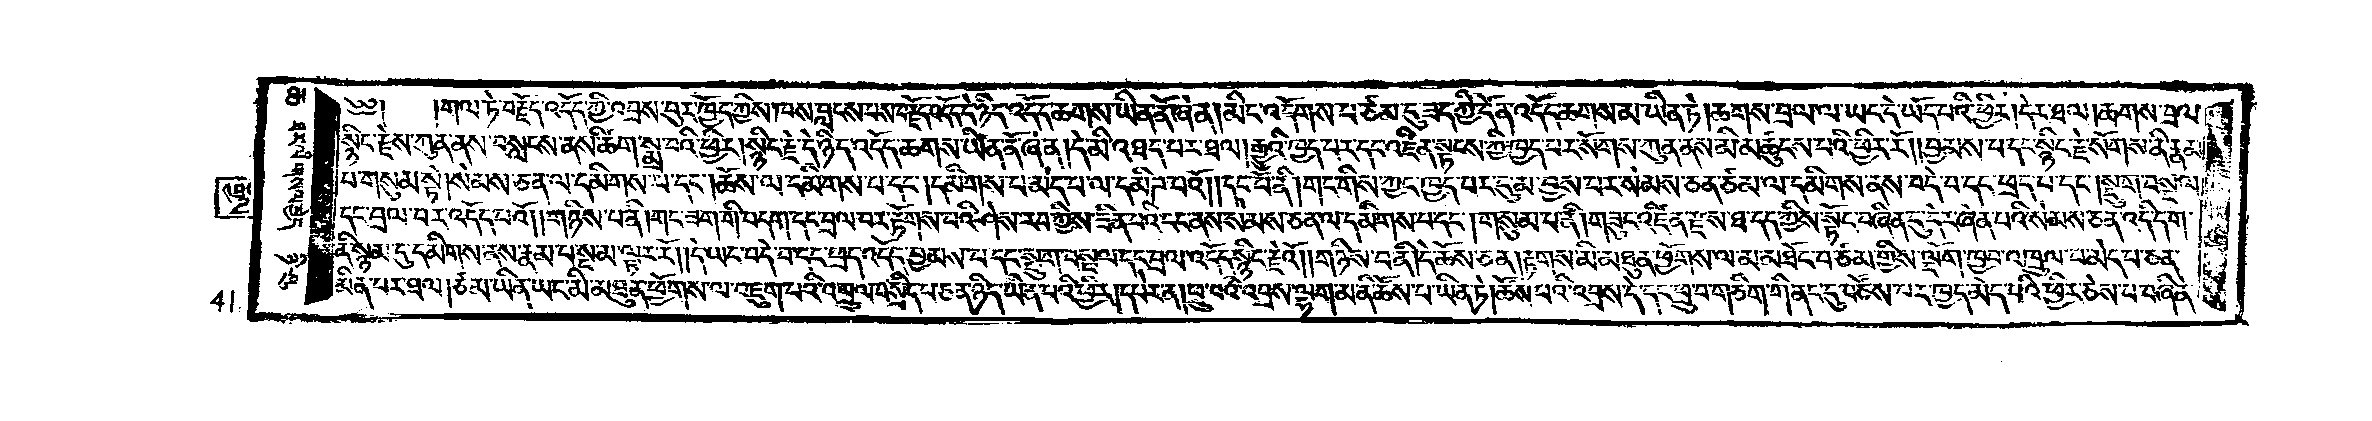༄༅། །གལ་ཏེ་བརྗོད་འདོད་ཀྱི་འབྲས་བུར་ཁྱོད་ཀྱིས་ཁས་བླངས་པས་བརྗོད་འདོད་དེ་ཉིད་འདོད་ཆགས་ཡིན་ནོ་ཞེ་ན། མིང་འདོགས་པ་ཙམ་དུ་ཟད་ཀྱི་དོན་འདོད་ཆགས་མ་ཡིན་ཏེ། ཆགས་བྲལ་ལ་ཡང་དེ་ཡོད་པའི་ཕྱིར། དེར་ཐལ། ཆགས་བྲལ་
སྙིང་རྗེས་ཀུན་ནས་བསླངས་ནས་ཚིག་སྨྲ་བའི་ཕྱིར། སྙིང་རྗེ་དེ་ཉིད་འདོད་ཆགས་ཡིན་ནོ་ཞེ་ན། དེ་མི་འཐད་པར་ཐལ། རྒྱུའི་ཁྱད་པར་དང་འཛིན་སྟངས་ཀྱི་ཁྱད་པར་སོགས་ཀུན་ནས་མི་མཚུངས་པའི་ཕྱིར་རོ། །བྱམས་པ་དང་སྙིང་རྗེ་སོགས་ནི་རྣམ་
པ་གསུམ་སྟེ། སེམས་ཅན་ལ་དམིགས་པ་དང་། ཆོས་ལ་དམིགས་པ་དང་། དམིགས་པ་མེད་པ་ལ་དམིགས་པའོ། །དང་པོ་ནི། གང་གིས་ཀྱང་ཁྱད་པར་དུ་མ་བྱས་པར་སེམས་ཅན་ཙམ་ལ་དམིགས་ནས་བདེ་བ་དང་ཕྲད་པ་དང་། སྡུག་བསྔལ་
དང་བྲལ་བར་འདོད་པའོ། །གཉིས་པ་ནི། གང་ཟག་གི་བདག་དང་བྲལ་བར་རྟོགས་པའི་ཤེས་རབ་ཀྱིས་ཟིན་པའི་ངང་ནས་སེམས་ཅན་ལ་དམིགས་པ་དང་། གསུམ་པ་ནི། གཟུང་འཛིན་རྫས་ཐ་དད་ཀྱིས་སྟོང་བཞིན་དུ་དེར་ཞེན་པའི་སེམས་ཅན་འདི་དག་
ནི་སྙམ་དུ་དམིགས་ནས་རྣམ་པ་སྔ་མ་ལྟར་རོ། །དེ་ཡང་བདེ་བ་དང་ཕྲད་འདོད་བྱམས་པ་དང་སྡུག་བསྔལ་དང་བྲལ་འདོད་སྙིང་རྗེའོ། །གཉིས་པ་ནི། དེ་ཆོས་ཅན། རྟགས་མི་མཐུན་ཕྱོགས་ལ་མ་མཐོང་བ་ཙམ་གྱིས་ལྡོག་ཁྱབ་འཁྲུལ་པ་མེད་པ་ཅན་
མིན་པར་ཐལ། ཙམ་ཡིན་ཡང་མི་མཐུན་ཕྱོགས་ལ་འཇུག་པའི་འཁྲུལ་བ་སྲིད་པ་ཅན་ཉིད་ཡིན་པའི་ཕྱིར། དཔེར་ན། ཕྲུ་བའི་འབྲས་ལྷག་མ་ནི་ཚོས་པ་ཡིན་ཏེ། ཚོས་པའི་འབྲས་དེ་དང་ཕྲུ་བ་གཅིག་གི་ནང་དུ་བཙོས་པར་ཁྱད་མེད་པའི་ཕྱིར་ཅེས་པ་བཞིན་